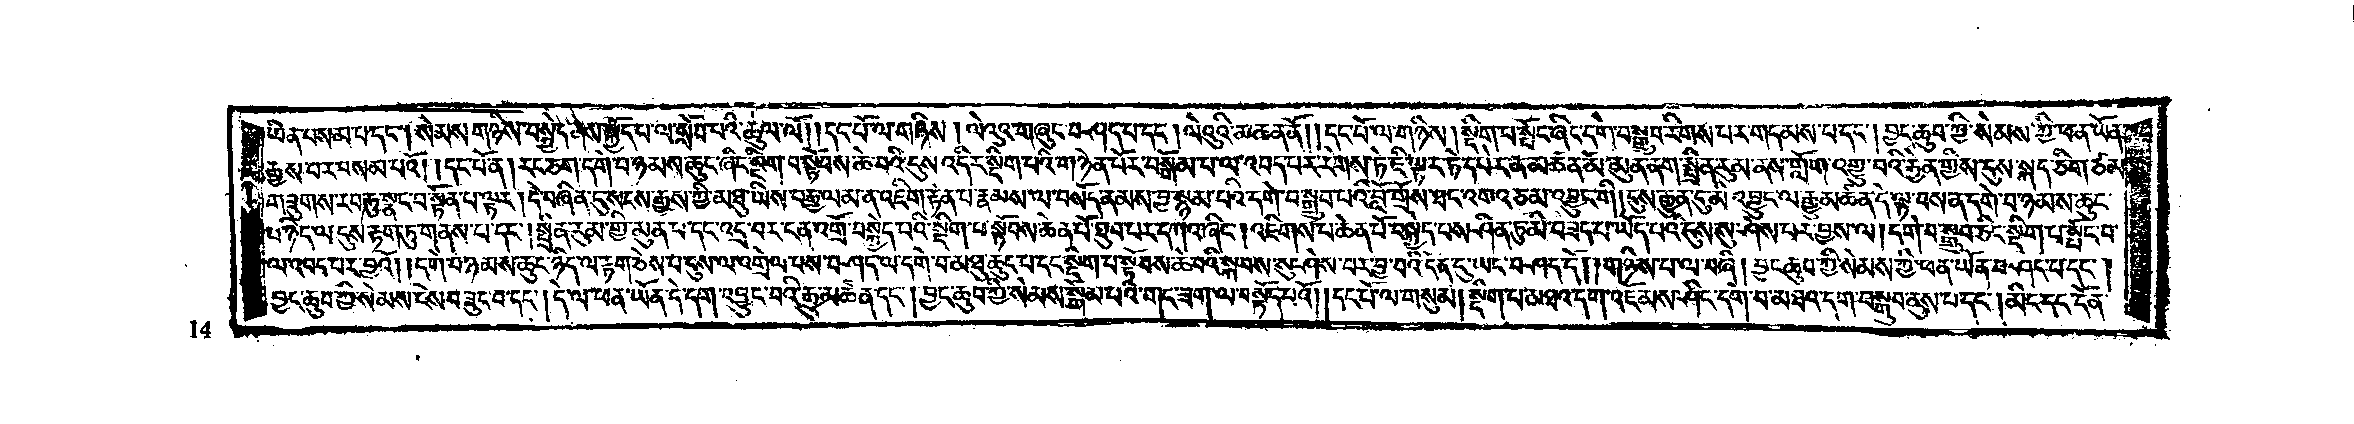ཡིན་བསམ་པ་དང་། སེམས་གཉིས་བསྐྱེད་ནས་སྐྱོད་པ་ལ་སློབ་པའི་ཚུལ་ལོ། །དང་པོ་ལ་གཉིས། ལེའུའི་གཞུང་བཤད་པ་དང་། ལེའུའི་མཚན་ནོ། །དང་པོ་ལ་གཉིས། སྡིག་པ་སྤོང་ཞིང་དགེ་བ་སྒྲུབ་རིགས་པར་གདམས་པ་དང་། བྱང་ཆུབ་ཀྱི་སེམས་ཀྱི་ཕན་ཡོན་
རྒྱས་པར་བསམ་པའོ། །དང་པོ་ནི། རང་ཅག་དགེ་བ་ཉམས་ཆུང་ཞིང་སྡིག་པ་སྟོབས་ཆེ་བའི་དུས་འདིར་སྡིག་པའི་གཉེན་པོར་བསྒོམ་པ་ལ་འབད་པར་རིགས་ཏེ་ཇི་ལྟར་ཏེ་དཔེར་ན་མཚན་ནོ་མུན་ནག་སྤྲིན་རུམ་ནས་གློག་འགྱུར་བའི་རྐྱེན་གྱིས་དུས་སྐད་ཅིག་ཙམ་
གཟུགས་རབ་ཏུ་སྣང་བ་སྟོན་པ་ལྟར། དེ་བཞིན་དུ་སངས་རྒྱས་ཀྱི་མཐུ་ཡིས་པ་རྒྱ་ལམ་ན་འཇིག་རྟེན་པ་རྣམས་ལ་བསོད་ནམས་བྱ་སྙམ་པའི་དགེ་བ་སྒྲུབ་པའི་བློ་གྲོས་ཐང་འགའ་ཙམ་འབྱུང་གི །དུས་རྒྱུན་དུ་མི་འབྱུང་ལ་རྒྱུ་མཚན་དེ་ལྟ་བས་ན་དགེ་བ་ཉམས་ཆུང་
པ་ཉིད་ལ་དུས་རྟག་ཏུ་གནས་པ་དང་། སྤྲིན་རུམ་གྱི་མུན་པ་དང་འདྲ་བར་ངན་འགྲོ་བསྐྱེད་པའི་སྡིག་པ་སྟོབས་ཆེན་པོ་ཐུབ་པར་དཀའ་ཞིང་། འཇིགས་པ་ཆེན་པོ་བསྐྱེད་པས་ཤིན་ཏུ་མི་བཟད་པ་ཡོད་པའི་དུས་སུ་ཤེས་པར་བྱས་ལ། དགེ་བ་སྒྲུབ་ཅིང་སྡིག་པ་སྤོང་བ་
ལ་འབད་པར་བྱའོ། །དགེ་བ་ཉམས་ཆུང་ཉིད་ལ་རྟག་ཅེས་པ་དུས་ལ་འགྲེལ་པས་བཤད་ལ་དགེ་བ་མཐུ་ཆུང་བ་དང་སྡིག་པ་སྟོས་ཆེ་བའི་སྐབས་སུ་ཤེས་པར་བྱ་བའི་དོན་དུ་ཡང་བཤད་དོ། །གཉིས་པ་ལ་བཞི། བྱང་ཆུབ་ཀྱི་སེམས་ཀྱི་ཕན་ཡོན་བཤད་པ་དང་།
བྱང་ཆུབ་ཀྱི་སེམས་ངེས་བཟུང་བ་དང་། དེ་ལ་ཕན་ཡོན་དེ་དག་འབྱུང་བའི་རྒྱུ་མཚན་དང་། བྱང་ཆུབ་ཀྱི་སེམས་སྒོམ་པའི་གང་ཟག་ལ་བསྟོད་པའོ། །དང་པོ་ལ་གསུམ། སྡིག་པ་མཐའ་དག་འཇོམས་ཤིང་དགེ་བ་མཐའ་དག་བསྒྲུབ་ནུས་པ་དང་། མིང་དང་དོན་